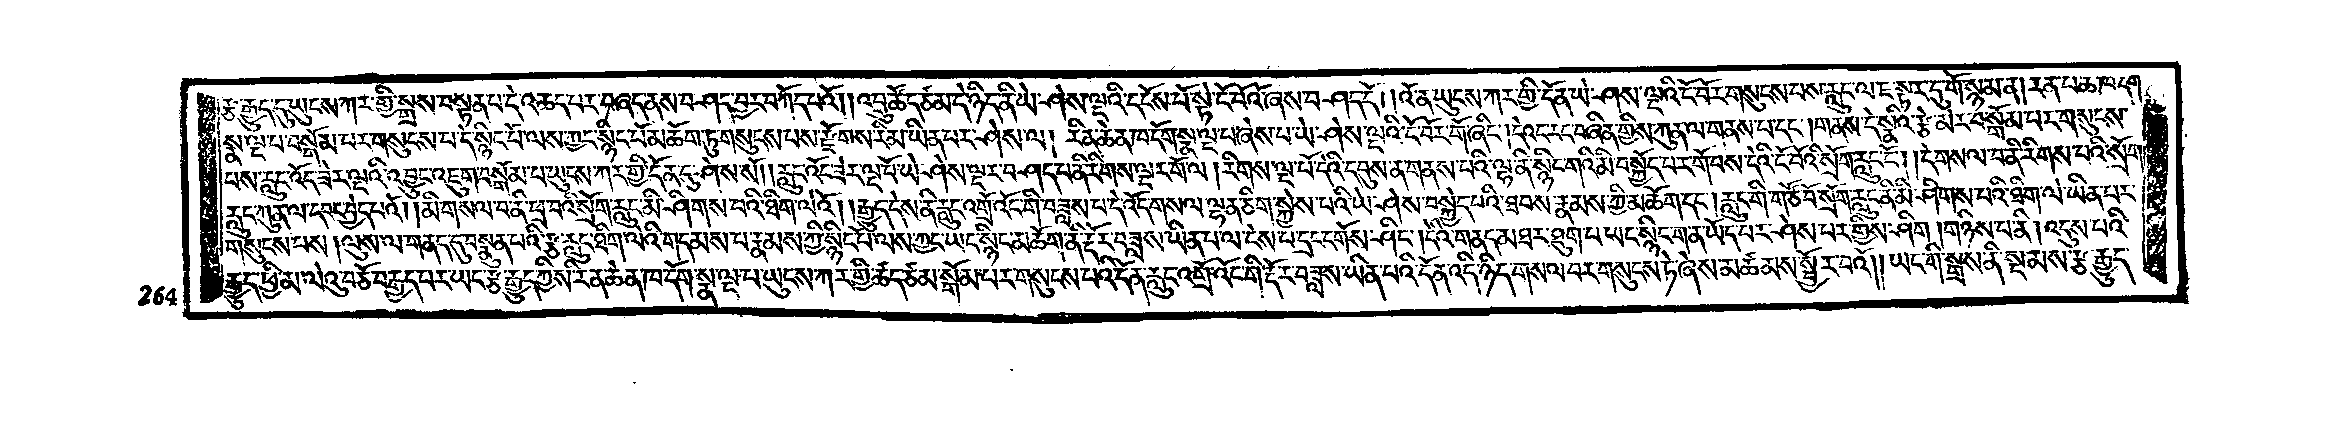རྩ་རྒྱུད་དུ་ཡུངས་ཀར་གྱི་སྒྲས་བསྟན་པ་དེ་འཆད་པར་བཞད་ནས་བཤད་བྱར་བཀོད་པའོ། །འབྲུ་ཚོད་ཙམ་དེ་ཉིད་ནི་ཡེ་ཤེས་ལྔའི་དངོས་པོ་སྟེ་ངོ་བོའོ་ཞེས་བཤད་དོ། །འོ་ན་ཡུངས་ཀར་གྱི་དོན་ཡེ་ཤས་ལྔའི་ངོ་བོར་གསུངས་པས་རླུང་ལ་ཇི་སྟར་དུ་གོ་སྙམ་ན། རིན་པོ་ཆེ་ཁ་དོག་
སྣ་ལྔ་པ་བསྒོམ་པར་གསུངས་པ་དེ་སྙིང་པོ་ལས་ཀྱང་སྙིང་པོ་མཆོག་ཏུ་གསུངས་པས་རྫོགས་རིམ་ཡིན་པར་ཤེས་ལ། རིན་ཆེན་ཁ་དོག་སྣ་ལྔ་པ་ཞེས་པ་ཡེ་ཤེས་ལྔའི་ངོ་བོར་གོ་ཞིང་། དེའང་རང་བཞིན་གྱིས་ཀུན་ལ་གནས་པ་དང་། གནས་དེ་སྣའི་རྩེ་མེར་བསྒོམ་པར་གསུངས་
པས་རླུང་འོད་ཟེར་ལྔའི་འབྱུང་འཇུག་བསྒོམ་པ་ཡུངས་ཀར་གྱི་དོན་དུ་ཤེས་སོ། །རླུང་འོད་ཟེར་ལྔ་པོ་ཡེ་ཤེས་ལྔར་བཤད་པ་ནི་རིགས་ལྔར་གོ་ལ། རིགས་ལྔ་པོ་དེའི་དབུས་ན་གནས་པའི་ལྷ་ནི་སྙིང་གའི་མི་བསྐྱོད་པར་གོ་བས་དེའི་ངོ་བོའི་སྲོག་རླུང་ངོ། །དེ་གསལ་བ་ནི་རིགས་པའི་སྲོག་
རླུང་ཀུན་ལ་དབང་བྱེད་པའོ། །མི་གསལ་བ་ནི་ཕྲ་བའི་སྲོག་རླུང་མི་ཤིགས་པའི་ཐིག་ལེའོ། །རྒྱུད་དེས་ནི་རླུང་འགྲོ་འོང་གི་བཟླས་པ་དེ་འོད་གསལ་ལྷན་ཅིག་སྐྱེས་པའི་ཡེ་ཤེས་བསྐྱེད་པའི་ཐབས་རྣམས་ཀྱི་མཆོག་དང་། རླུང་གི་གཙོ་བོ་སྲོག་རླུང་ནི་མི་ཤིགས་པའི་ཐིག་ལེ་ཡིན་པར་
གསུངས་པས། ལུས་ལ་གནད་དུ་བསྣུན་པའི་རྩ་རླུང་ཐིག་ལེའི་གདམས་པ་རྣམས་ཀྱི་སྙིང་པོ་ལས་ཀྱང་ཡང་སྙིང་མཆོག་ནི་རྡོར་བཟླས་ཡིན་པ་ལ་ངེས་པ་དྲང་དགོས་ཤིང་། དེའི་གནད་མཐར་ཐུག་པ་ཡང་སྙིང་ག་ན་ཡོད་པར་ཤེས་པར་གྱིས་ཤིག །གཉིས་པ་ནི། འདུས་པའི་
རྒྱུད་ཕྱི་མ་ལེའུ་བཅོ་བརྒྱད་པར་ཡང་རྩ་རྒྱུད་ཀྱིས་རིན་ཆེན་ཁ་དོག་སྣ་ལྔ་པ་ཡུངས་ཀར་གྱི་ཚད་ཙམ་སྒོམ་པར་གསུངས་པའི་དོན་རླུང་འགྲོ་འོང་གི་རྡོར་བཟླས་ཡིན་པའི་དོན་འདི་ཉིད་གསལ་བར་གསུངས་ཏེ་ཞེས་མཚམས་སྦྱོར་བའོ། །ཡང་གི་སྒྲས་ནི་སྔ་མས་རྩ་རྒྱུད་